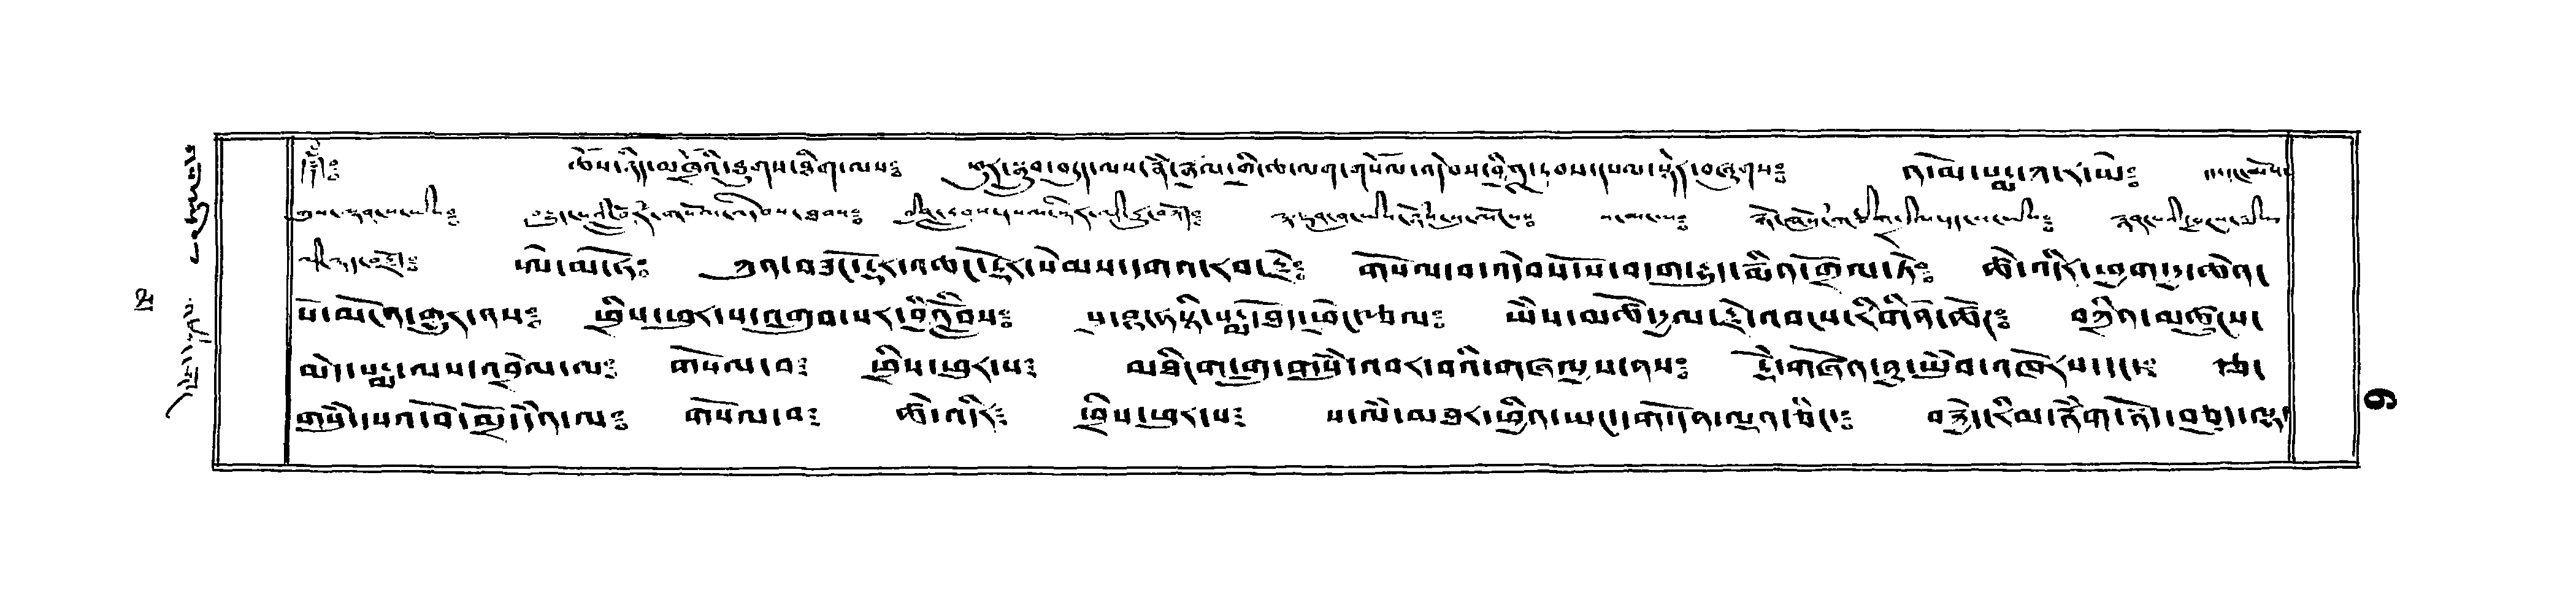ཆོས་ཉིད་མཁའ་འགྲོའི་ཐུགས་ཐིག་ལས༔ ཕུར་སྒྲུབ་བདུད་ལས་རྣམ་རྒྱལ་གྱི་ཆ་ལག་གསོལ་འདེབས་བྱིན་རླབས་དཔལ་སྟེར་བཞུགས༔ ན་མོ་པདྨ་ཀ་ར་ཡེ༔ དད་དང་མོས་
གུས་ལྡན་པ་ཡིས༔ བརྒྱུད་པའི་བླ་མར་གསོལ་འདེབས་ཐབས༔ བྱིན་རླབས་དཔལ་སྟེར་འདི་རུ་བཀོད༔ སྐལ་ལྡན་བུ་ཡིས་ཉམས་སུ་ལོངས༔ ས་མ་ཡ༔ སྒོ་གསུམ་གཅིག་དྲིལ་དད་པ་ཡིས༔ སྙན་པའི་དབྱངས་ཀྱིས་
འདི་སྐད་བརྗོད༔ ཨེ་མ་ཧོཿ ཀུན་བཟང་རྡོར་འཆང་རྡོར་སེམས་དགའ་རབ་རྗེ༔ གསོལ་བ་འདེབས་སོ་བདག་རྒྱུད་སྨིན་གྲོལ་ཏེ༔ ཚེ་འདིར་ཕྱག་རྒྱ་ཆེན་
པོ་མངོན་གྱུར་ནས༔ ཕྲིན་ལས་ཕུར་པ་འགྲུབ་པར་བྱིན་གྱིས་རློབས༔ པྲ་བྷ་ཧསྟི་པདྨ་ཐོད་ཕྲེང་རྩལ༔ ཡེ་ཤེས་མཚོ་རྒྱལ་རྗེ་འབངས་རིག་འཛིན་ཚོགས༔ བཀའ་དྲིན་མཚུངས་
མེད་པདྨ་ལས་འབྲེལ་ལ༔ གསོལ་བ༴ ཚེ་འདིར༴ ཕྲིན་ལས་ཕུར་པ༴ མཐིང་ནག་གྲུ་གསུམ་འབར་བའི་གཞལ་ཡས་ནས༔ རྡོ་རྗེ་གཞོན་ནུ་ཡབ་ཡུམ་འཁོར་འདས་དང༔ རྩ་
གསུམ་དཔའ་བོ་མཁའ་འགྲོ་དམ་ཅན་ལ༔ གསོལ་བ༴ ཚེ་འདིར༴ ཕྲིན་ལས་ཕུར་པ༴ ས་ལམ་མཐར་ཕྱིར་ཡང་དག་དོན་ལྡན་ཅིང༔ བསྐྱེད་རིམ་རྣམ་དག་སྣོད་བཅུད་ལྷ་